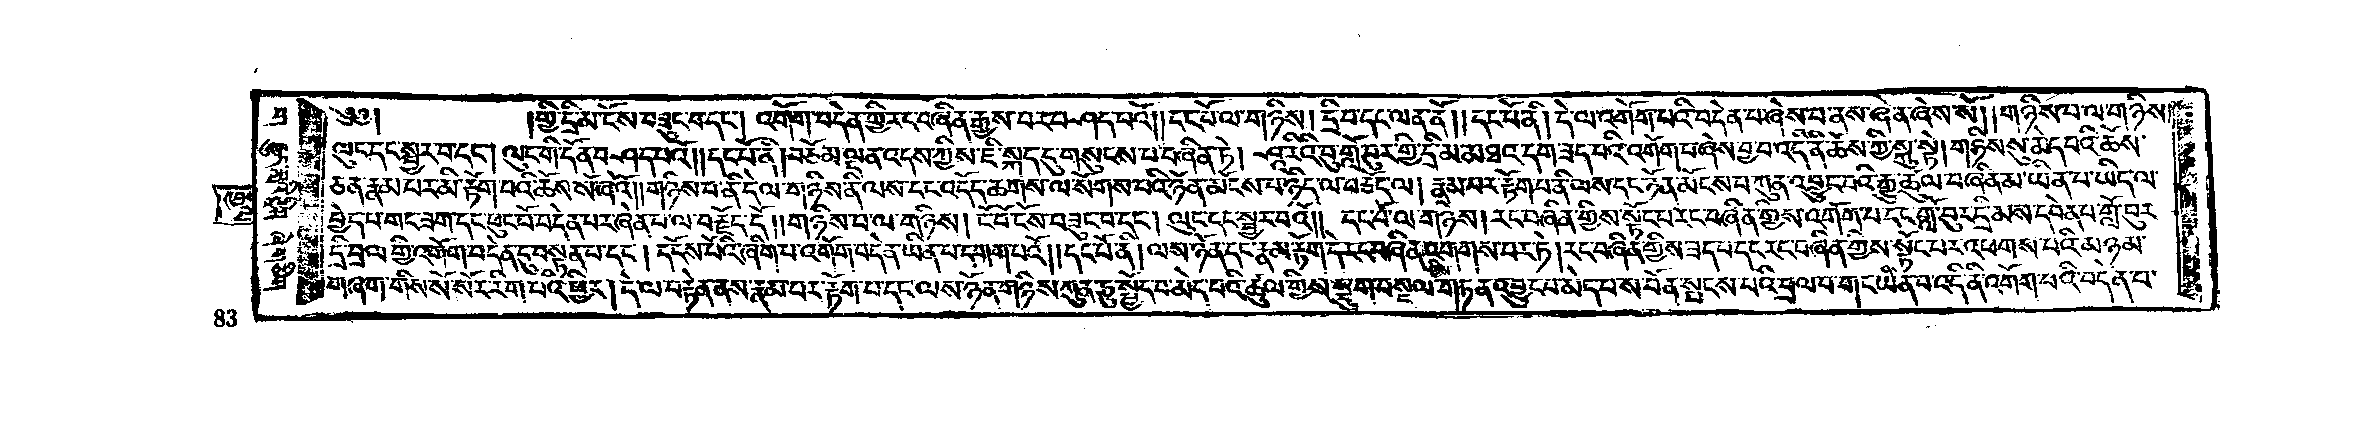༄༅། །གྱི་དྲི་མ་ངོས་བཟུང་བ་དང་། འགོག་བདེན་གྱི་རང་བཞིན་རྒྱས་པར་བཤད་པའོ། །དང་པོ་ལ་གཉིས། དྲི་བ་དང་ལན་ནོ། །དང་པོ་ནི། དེ་ལ་འགོག་པའི་བདེན་པ་ཞེས་པ་ནས་ཞེ་ན་ཞེས་སོ། །གཉིས་པ་ལ་གཉིས་
ལུང་དང་སྦྱར་བ་དང་། ལུང་གི་དོན་བཤད་པའོ། །དང་པོ་ནི། བཅོམ་ལྡན་འདས་ཀྱིས་ཇི་སྐད་དུ་གསུངས་པ་བཞིན་ཏེ། ཤཱ་རིའི་བུ་གློ་བུར་གྱི་དྲི་མ་མཐའ་དག་ཟད་པའི་འགོག་པ་ཞེས་བྱ་བ་འདི་ནི་ཆོས་ཀྱི་སྐུ་སྟེ། གཉིས་སུ་མེད་པའི་ཆོས་
ཅན་རྣམ་པར་མི་རྟོག་པའི་ཆོས་སོ་ཞེའོ། །གཉིས་པ་ནི་དེ་ལ་གཉིས་ནི་ལས་དང་འདོད་ཆགས་ལ་སོགས་པའི་ཉོན་མོངས་པ་ཉིད་ལ་བཅོད་ལ། རྣམ་པར་རྟོག་པ་ནི་ལས་དང་ཉོན་མོངས་པ་ཀུན་འབྱུང་བའི་རྒྱུ་ཚུལ་བཞིན་མ་ཡིན་པ་ཡིད་ལ་
བྱེད་པ་གང་ཟག་དང་ཕུང་པོ་བདེན་པར་ཞེན་པ་ལ་བརྗོད་དོ། །གཉིས་པ་ལ་གཉིས། ངོ་བོ་ངོས་བཟུང་བ་དང་། ལུང་དང་སྦྱར་བའོ། །དང་པོ་ལ་གཉིས། རང་བཞིན་གྱིས་སྟོང་པ་རང་བཞིན་གྱིས་འགོག་པ་དང་གློ་བུར་དྲི་མས་དབེན་པ་གློ་བུར་
དྲི་བྲལ་གྱི་འགོག་བདེན་དུ་བསྟན་པ་དང་། དངོས་པོའི་ཞིག་པ་འགོག་བདེན་ཡིན་པ་དགག་པའོ། །དང་པོ་ནི། ལས་ཉོན་དང་རྣམ་རྟོག་དེ་རང་བཞིན་གྱིས་འགགས་པར་ཏེ། རང་བཞིན་གྱིས་ཟད་པ་དང་རང་བཞིན་གྱིས་སྟོང་པར་འཕགས་པའི་མཉམ་
གཞག་གིས་སོ་སོར་རིག་པའི་ཕྱིར། དེ་ལ་བརྟེན་ནས་རྣམ་པར་རྟོག་པ་དང་ལས་ཉོན་གཉིས་ཀུན་ཏུ་སྤྱོད་པ་མེད་པའི་ཚུལ་གྱིས་སྡུག་བསྔལ་གཏན་འབྱུང་བ་མེད་པ་ས་བོན་སྤངས་པའི་བྲལ་བ་གང་ཡིན་པ་འདི་ནི་འགོག་པའི་བདེན་པ་